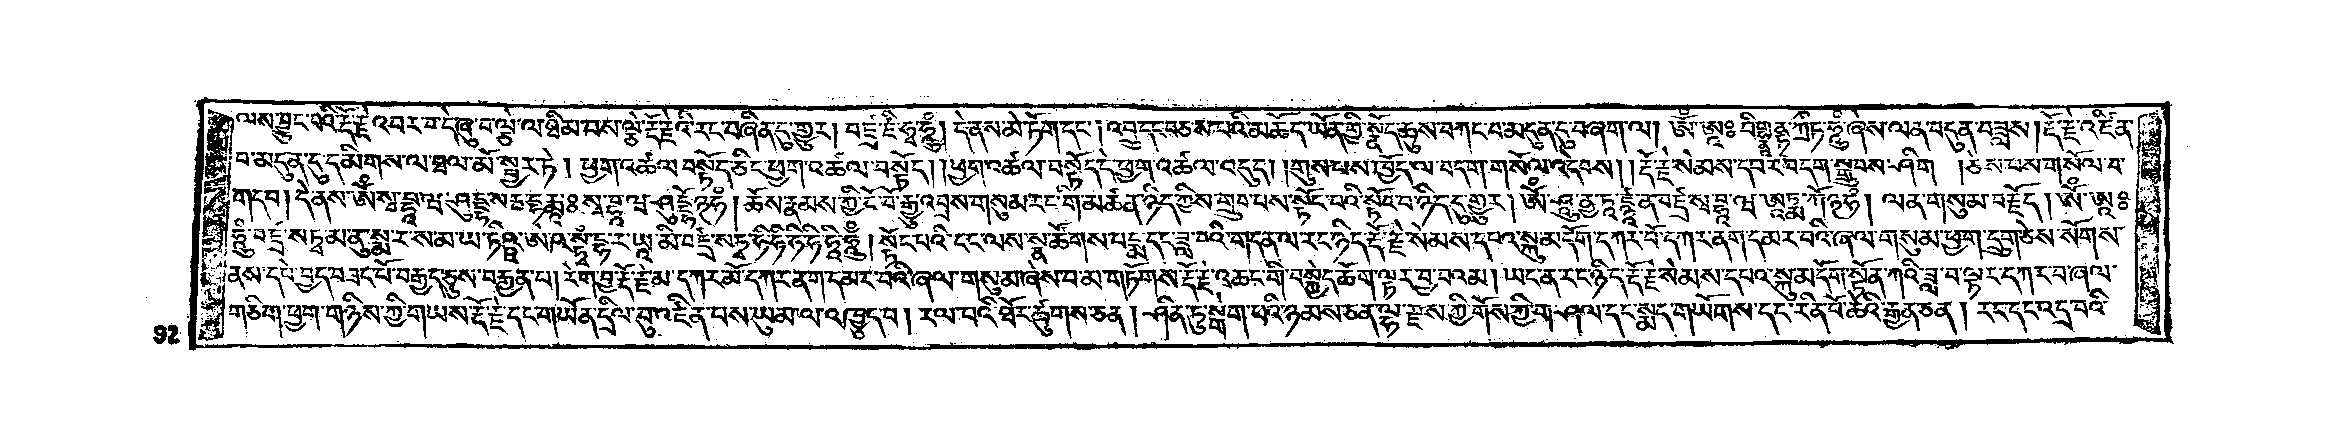ལས་བྱུང་བའི་རྡོ་རྗེ་འབར་བ་དེ་ཞུ་བ་ལྕེ་ལ་ཐིམ་པས་ལྕེ་རྡོ་རྗེའི་རང་བཞིན་དུ་གྱུར། བཛྲ་ཛི་ཧྭ་ཧཱུཾ། དེ་ནས་མེ་ཏོག་དང་། འབྲུ་དང་བཅས་པའི་མཆོད་ཡོན་གྱི་སྣོད་ཆུས་བཀང་བ་མདུན་དུ་བཞག་ལ། ཨོཾ་ཨཱཿ བིགྷྣཱནྟ་ཀྲྀཏ་ཧཱུཾ་ཞེས་ལན་བདུན་བཟླས། རྡོ་རྗེ་འཛིན་
པ་མདུན་དུ་དམིགས་ལ་ཐལ་མོ་སྦྱར་ཏེ། ཕྱག་འཚལ་བསྟོད་ཅིང་ཕྱག་འཚལ་བསྟོད། །ཕྱག་འཚལ་བསྟོད་དེ་ཕྱག་འཚལ་འདུད། །གུས་པས་ཁྱོད་ལ་བདག་གསོལ་འདེབས། །རྡོ་རྗེ་སེམས་དཔར་བདག་སྒྲུབས་ཤིག །ཅེས་པས་གསོལ་བ་
གདབ། དེ་ནས་ཨོཾ་སྭ་བྷཱ་ཝ་ཤུདྡྷ་སརྦ་དྷརྨཱཿ སྭ་བྷཱ་ཝ་ཤུདྡྷོ་ཉ་ཧཾ། ཆོས་རྣམས་ཀྱི་ངོ་བོ་རྒྱུ་འབྲས་གསུམ་རང་གི་མཚན་ཉིད་ཀྱིས་གྲུབ་པས་སྟོང་པའི་སྟོང་པ་ཉིད་དུ་གྱུར། ཨོཾ་ཤཱུ་ནྱ་ཏཱ་ཛྙཱ་ན་བཛྲ་སྭ་བྷཱ་ཝ་ཨཱཏྨ་ཀོཉ་ཧཾ། ལན་གསུམ་བརྗོད། ཨོཾ་ཨཱཿ
ཧཱུཾ་བཛྲ་སཏྭ་མ་ནུ་སྨ་ར་ས་མ་ཡ་ཏིཥཊཿཨ་ཨེ་ཥ་སཏཝཾ་དྷ་ར་ཡཱ་མི་བཛྲ་སཏྭ་ཧི་ཧི་ཧི་ཧི་ཧཱི་ཧཱུཾ། སྟོང་པའི་ངང་ལས་སྣ་ཚོགས་པདམ་དང་ཟླ་བའི་གདན་ལ་རང་ཉིད་རྡོ་རྗེ་སེམས་དཔའ་སྐུ་མདོག་དཀར་པོ་དཀར་ནག་དམར་བའི་ཞལ་གསུམ་ཕྱག་དྲུག་ཅེས་སོགས་
ནས་དཔེ་བྱད་བཟང་པོ་བརྒྱད་ཅུས་བརྒྱན་པ། རེག་བྱ་རྡོ་རྗེ་མ་དཀར་མོ་དཀར་ནག་དམར་བའི་ཞལ་གསུམ་ཞེས་པ་མ་གཏོགས་རྡོ་རྗེ་འཆང་གི་བསྐྱེད་ཆོག་ལྟར་བྱ་བའམ། ཡང་ན་རང་ཉིད་རྡོ་རྗེ་སེམས་དཔའ་སྐུ་མདོག་སྟོན་ཀའི་ཟླ་བ་ལྟར་དཀར་བ་ཞལ་
གཅིག་ཕྱག་གཉིས་ཀྱི་གཡས་རྡོ་རྗེ་དང་གཡོན་དྲིལ་བུ་འཛིན་པས་ཡུམ་ལ་འཁྱུད་པ། རལ་པའི་ཐོར་ཚུགས་ཅན། ཤིན་ཏུ་སྒེག་པའི་ཉམས་ཅན་ལྷ་རྫས་ཀྱི་གོས་ཀྱི་ག་ཤལ་དང་སྨད་གཡོགས་དང་རིན་པོ་ཆེའི་རྒྱན་ཅན། རང་དང་འདྲ་བའི་